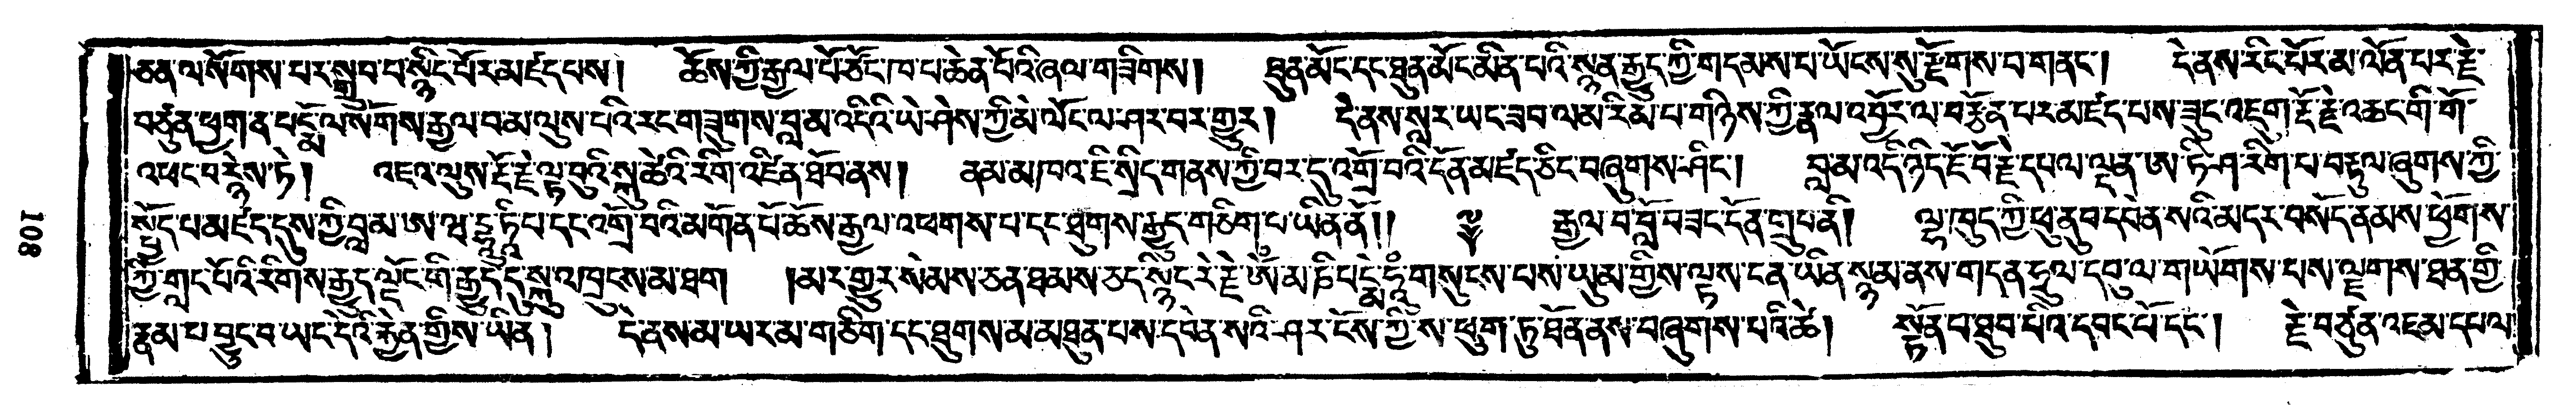ཅན་ལ་སོགས་པར་སྒྲུབ་པ་སྙིང་པོར་མཛད་པས། ཆོས་ཀྱི་རྒྱལ་པོ་ཙོང་ཁ་པ་ཆེན་པོའི་ཞལ་གཟིགས། ཐུན་མོང་དང་ཐུན་མོང་མིན་པའི་སྙན་རྒྱུད་ཀྱི་གདམས་པ་ཡོངས་སུ་རྫོགས་པ་གནང་། དེ་ནས་རིང་པོར་མ་ལོན་པར་རྗེ་
བཙུན་ཕྱག་ན་པདམོ་ལ་སོགས་རྒྱལ་བ་མ་ལུས་པའི་རང་གཟུགས་བླ་མ་འདིའི་ཡེ་ཤེས་ཀྱི་མེ་ལོང་ལ་ཤར་བར་གྱུར། དེ་ནས་སླར་ཡང་ཟབ་ལམ་རིམ་པ་གཉིས་ཀྱི་རྣལ་འབྱོར་ལ་བརྩོན་པར་མཛད་པས་ཟུང་འཇུག་རྡོ་རྗེ་འཆང་གི་གོ་
འཕང་བརྙེས་ཏེ། འཇའ་ལུས་རྡོ་རྗེ་ལྟ་བུའི་སྐུ་ཚེའི་རིག་འཛིན་ཐོབ་ནས། ནམ་མཁའ་ཇི་སྲིད་གནས་ཀྱི་བར་དུ་འགྲོ་བའི་དོན་མཛད་ཅིང་བཞུགས་ཤིང་། བླ་མ་འདི་ཉིད་ཇོ་བོ་རྗེ་དཔལ་ལྡན་ཨ་ཏི་ཤ་རིག་པ་བརྟུལ་ཞུགས་ཀྱི་
སྤྱོད་པ་མཛད་དུས་ཀྱི་བླ་མ་ཨ་ཝ་དྷཱུ་ཏཱི་པ་དང་འགྲོ་བའི་མགོན་པོ་ཆོས་རྒྱལ་འཕགས་པ་དང་ཐུགས་རྒྱུད་གཅིག་པ་ཡིན་ནོ།། ༈ རྒྱལ་བ་བློ་བཟང་དོན་གྲུབ་ནི། ལྷ་ཁུད་ཀྱི་ཕུ་ནུབ་དབེན་སའི་མདར་བསོད་ནམས་ཕྱོགས་
ཀྱི་གླང་པོའི་རིགས་རྒྱུད་ལྡོང་གི་རྒྱུད་དུ་སྐུ་འཁྲུངས་མ་ཐག །མར་གྱུར་སེམས་ཅན་ཐམས་ཅད་སྙིང་རྗེ་རྗེ་ཨོཾ་མ་ཎི་པདམེ་ཧཱུཾ་གསུངས་པས་ཡུམ་གྱིས་ལྟས་ངན་ཡིན་སྙམ་ནས་གདན་ཧྲུལ་དབུ་ལ་གཡོགས་པས་ལྗགས་ཐན་གྱི་
རྣམ་པ་བྱུང་བ་ཡང་དེའི་རྐྱེན་གྱིས་ཡིན། དེ་ནས་མ་ཡར་མ་གཅིག་དང་ཐུགས་མ་མཐུན་པས་དབེན་སའི་ཤར་ངོས་ཀྱི་ས་ཕུག་ཏུ་ཐོན་ནས་བཞུགས་པའི་ཚེ། སྟོན་པ་ཐུབ་པའི་དབང་པོ་དང་། རྗེ་བཙུན་འཇམ་དཔལ་